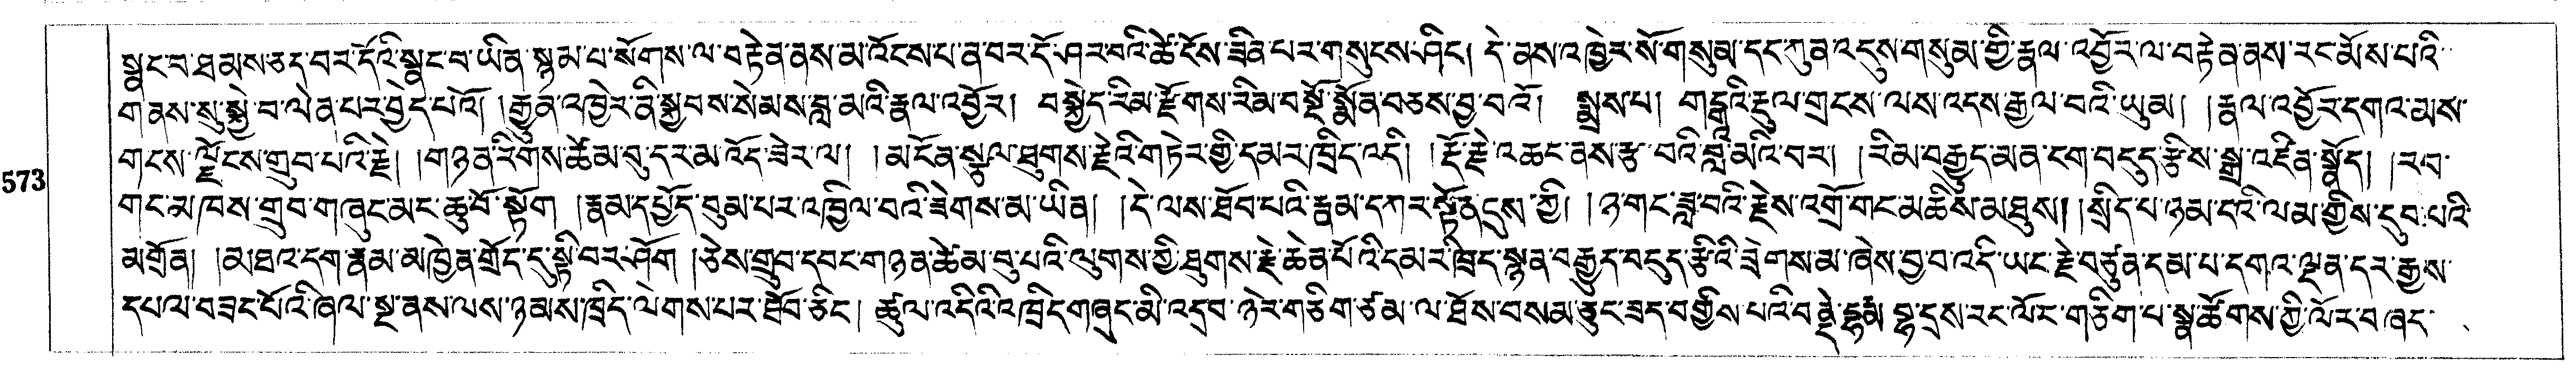སྣང་བ་ཐམས་ཅད་བར་དོའི་སྣང་བ་ཡིན་སྙམ་པ་སོགས་ལ་བརྟེན་ནས་མ་འོངས་པ་ན་བར་དོ་ཤར་བའི་ཚེ་ངོས་ཟིན་པར་གསུངས་ཤིང་། དེ་ནས་འཁྱེར་སོ་གསུམ་དང་ཀུན་འདུས་གསུམ་གྱི་རྣལ་འབྱོར་ལ་བརྟེན་ནས་རང་མོས་པའི་
གནས་སུ་སྐྱེ་བ་ལེན་པར་བྱེད་པའོ། །རྒྱུན་འཁྱེར་ནི་སྐྱབས་སེམས་བླ་མའི་རྣལ་འབྱོར། བསྐྱེད་རིམ་རྫོགས་རིམ་བསྔོ་སྨོན་བཅས་བྱ་བའོ། སྨྲས་པ། གངྒཱའི་རྡུལ་གྲངས་ལས་འདས་རྒྱལ་བའི་ཡུམ། །རྣལ་འབྱོར་དགའ་མས་
གངས་ལྗོངས་གྲུབ་པའི་རྗེ། །གཉན་རིགས་ཚེམ་བུ་དར་མ་འོད་ཟེར་ལ། །མངོན་སྩལ་ཐུགས་རྗེའི་གཏེར་གྱི་དམར་ཁྲིད་འདི། །རྡོ་རྗེ་འཆང་ནས་རྩ་བའི་བླ་མའི་བར། །རིམ་བརྒྱུད་མན་ངག་བདུད་རྩིས་སྒྲ་འཛིན་སྣོད། །རབ་
གང་མཁས་གྲུབ་གཞུང་མང་ཆུ་བོ་སྟོག །རྣམ་དཔྱོད་བུམ་པར་འཁྱིལ་བའི་ཟེགས་མ་ཡིན། །དེ་ལས་ཐོབ་པའི་རྣམ་དཀར་སྟོན་དུས་ཀྱི་།ཉ་གང་ཟླ་བའི་རྗེས་འགྲོ་གང་མཆིས་མཐུས། །སྲིད་པ་ཉམ་པའི་ལམ་གྱིས་དུབ་པའི་
མགྲོན། །མཐའ་དག་རྣམ་མཁྱེན་གྲོད་དུ་སྟི་བར་ཤོག །ཅེས་གྲུབ་དབང་གཉན་ཚེམ་བུ་པའི་ལུགས་ཀྱི་ཐུགས་རྗེ་ཆེན་པོའི་དམར་ཁྲིད་སྙན་བརྒྱུད་བདུད་རྩིའི་ཟེགས་མ་ཞེས་བྱ་བ་འདི་ཡང་རྗེ་བཙུན་དམ་པ་དགའ་ལྡན་དར་རྒྱས་
དཔལ་བཟང་པོའི་ཞལ་སྔ་ནས་ལས་ཉམས་ཁྲིད་ལེགས་པར་ཐོབ་ཅིང་། ཚུལ་འདིའི་འཁྲིད་གཞུང་མི་འདྲ་བ་ཉེར་གཅིག་ཙམ་ལ་ཐོས་བསམ་ཅུང་ཟད་བགྱིས་པའི་བྣྡེ་དྷརྨ་བྷ་དྲས་རང་ལོ་ང་གཅིག་པ་སྣ་ཚོགས་ཀྱི་ལོར་བཞད་